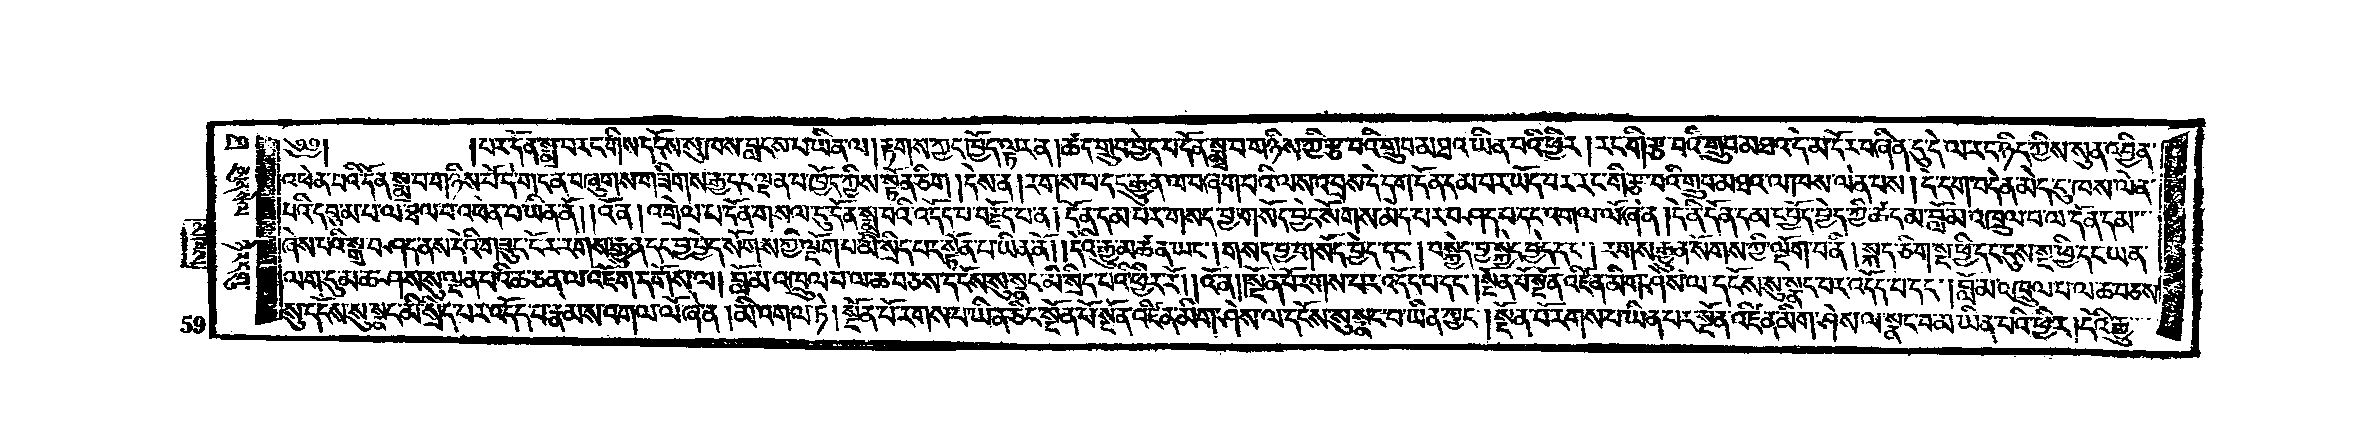༄༅། །པར་དོན་སྨྲ་བ་རང་གིས་དངོས་སུ་ཁས་བླངས་པ་ཡིན་ལ། རྟགས་ཀྱང་ཁྱོད་ལྟར་ན། ཚད་གྲུབ་བྱེད་པ་དོན་སྨྲ་བ་གཉིས་ཀྱི་རྩ་བའི་གྲུབ་མཐའ་ཡིན་པའི་ཕྱིར། རང་གི་རྩ་བའི་གྲུབ་མཐའ་དེ་མ་དོར་བཞིན་དུ་དེ་ལ་རང་ཉིད་ཀྱིས་སུན་འབྱིན་
འཕེན་པའི་དོན་སྨྲ་བ་གཉིས་པོ་དེ་གང་ན་བཞུགས་གཟིགས་རྒྱ་དང་ལྡན་པ་ཁྱོད་ཀྱིས་སྟོན་ཅིག །དེས་ན། རགས་པ་དང་རྒྱུན་ལ་བཞག་པའི་ལས་འབྲས་དེ་དག་དོན་དམ་པར་ཡོད་པར་རང་གི་རྩ་བའི་གྲུབ་མཐའ་ལ་ཁས་ལེན་པས། དེ་དག་བདེན་མེད་དུ་ཁས་ལེན་
པའི་དབུ་མ་པ་ལ་ཐལ་བ་འཕེན་པ་ཡིན་ནོ། །འོ་ན། འགྲེལ་པ་དོན་གསལ་དུ་དོན་སྨྲ་བའི་འདོད་པ་བརྗོད་པ་ན། དོན་དམ་པར་གསད་བྱ་གསོད་བྱེད་སོགས་མེད་པར་བཤད་པ་དང་འགལ་ལོ་ཞེ་ན། དེ་ནི་དོན་དམ་དཔྱོད་བྱེད་ཀྱི་ཚད་མ་བློ་མ་འཁྲུལ་བ་ལ་དོན་དམ་
ཞེས་པའི་སྒྲ་བཤད་ནས་དེའི་གཟུང་ངོར་རགས་རྒྱུན་དང་བྱ་བྱེད་སོགས་ཀྱི་ལྡོག་པ་མི་སྲིད་པར་སྟོན་པ་ཡིན་ནོ། །དེའི་རྒྱུ་མཚན་ཡང་། གསད་བྱ་གསོད་བྱེད་དང་། བསྐྱེད་བྱ་སྐྱེད་བྱེད་དང་། རགས་རྒྱུན་སོགས་ཀྱི་ལྡོག་པ་ནི། སྐད་ཅིག་སྔ་ཕྱི་དང་དུས་སྔ་ཕྱི་དང་ཡན་
ལག་དུ་མ་ཆ་ཤས་སུ་ལྡན་པའི་ཆ་ཅན་ལ་འཇོག་དགོས་ལ། བློ་མ་འཁྲུལ་བ་ལ་ཆ་བཅས་དངོས་སུ་སྣང་མི་སྲིད་པའི་ཕྱིར་རོ། །འོ་ན། །སྔོན་པོ་རགས་པར་འདོད་པ་དང་། སྔོན་པོ་སྔོན་འཛིན་མིག་ཤེས་ལ་དངོས་སུ་སྣང་བར་འདོད་པ་དང་། བློ་མ་འཁྲུལ་པ་ལ་ཆ་བཅས་
སུ་དངོས་སུ་སྣང་མི་སྲིད་པར་འདོད་པ་རྣམས་འགལ་ལོ་ཞེ་ན། མི་འགལ་ཏེ། སྔོན་པོ་རགས་པ་ཡིན་ཅིང་སྔོན་པོ་སྔོན་འཛིན་མིག་ཤེས་ལ་དངོས་སུ་སྣང་བ་ཡིན་ཀྱང་། སྔོན་པོ་རགས་པ་ཡིན་པར་སྔོན་འཛིན་མིག་ཤེས་ལ་སྣང་བ་མ་ཡིན་པའི་ཕྱིར། དེའི་རྒྱུ་